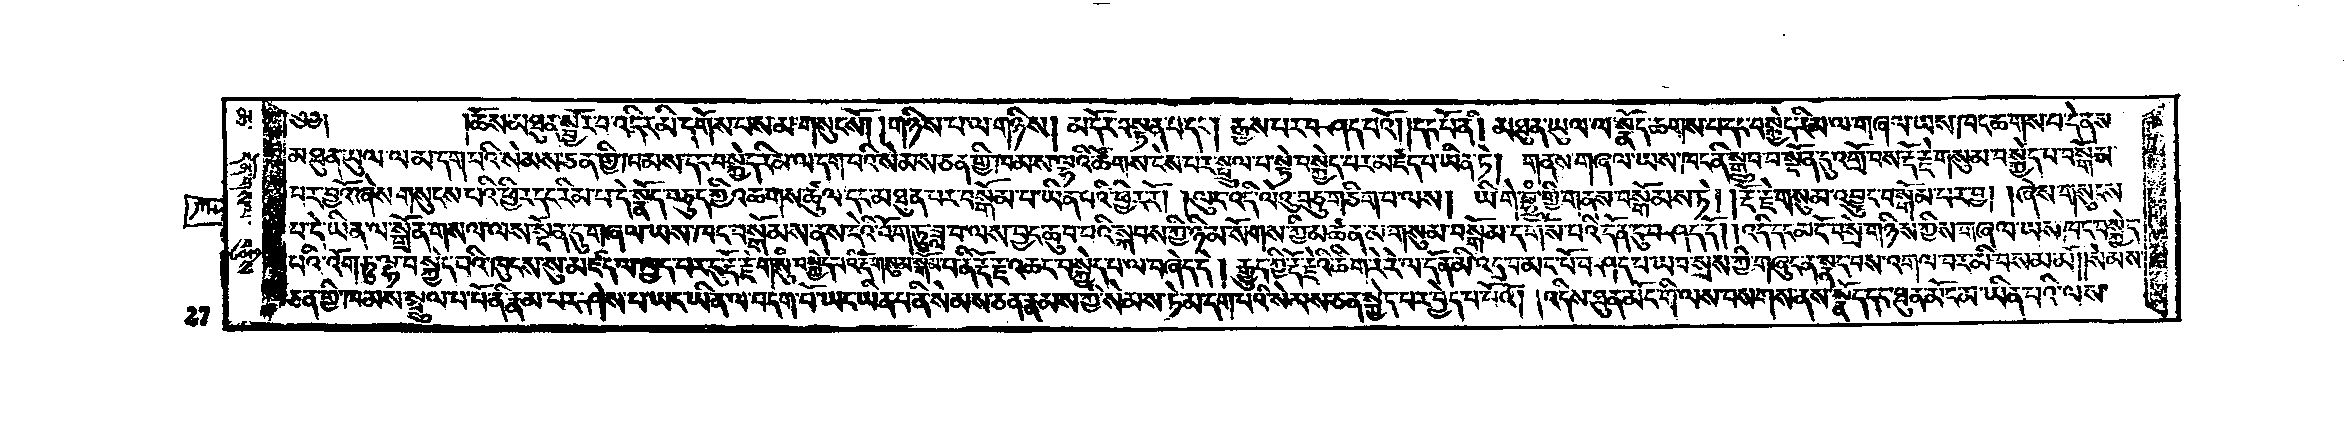༄༅། །ཆོས་མཐུན་སྦྱོར་བ་འདིར་མི་དགོས་པས་མ་གསུང་སོ། །གཉིས་པ་ལ་གཉིས། མདོར་བསྟན་པ་དང་། རྒྱས་པར་བཤད་པའོ། །དང་པོ་ནི། མཐུན་ཡུལ་ལ་སྣོད་ཆགས་པ་དང་བསྐྱེད་རིམ་ལ་གཞལ་ཡས་ཁང་ཆགས་པ་དེ་ནས་
མཐུན་ཡུལ་ལ་མ་དག་པའི་སེམས་ཅན་གྱི་ཁམས་དང་བསྐྱེད་རིམ་ལ་དག་པའི་སེམས་ཅན་གྱི་ཁམས་ལྷའི་ཚོགས་ངེས་པར་སྤྲུལ་པ་སྟེ་བསྐྱེད་པར་མཛད་པ་ཡིན་ཏེ། གནས་གཞལ་ཡས་ཁང་ནི་སྒྲུབ་པ་སྔོན་དུ་འགྲོ་བས་རྡོ་རྗེ་གསུམ་བསྐྱེད་པ་བསྒོམ་
པར་བྱའོ་ཞེས་གསུངས་པའི་ཕྱིར་དང་རིམ་པ་དེ་སྣོད་བཅུད་ཀྱི་འཚགས་ཚུལ་དང་མཐུན་པར་བསྒོམ་པ་ཡིན་པའི་ཕྱིར་རོ། །ལུང་འདི་ལེའུ་བཅུ་གཅིག་པ་ལས། ཡི་གེ་བྷྲུཾ་གྱི་གནས་བསྒོམས་ཏེ། །རྡོ་རྗེ་གསུམ་འབྱུང་བསྒོམ་པར་བྱ། །ཞེས་གསུངས་
པ་དེ་ཡིན་ལ་སྒྲོན་གསལ་ལས་སྔོན་དུ་གཞལ་ཡས་ཁང་བསྒོམས་ནས་དེའི་འོག་ཏུ་ཟླ་བ་ལས་བྱང་ཆུབ་པའི་སྐབས་ཀྱི་ཉི་མ་སོགས་ཀྱི་མཚན་མ་གསུམ་བསྒོམ་དགོས་པའི་དོན་དུ་བཤད་དོ། །འདི་དང་མདོ་བསྲེ་གཉིས་ཀྱིས་གཞལ་ཡས་ཁང་བསྐྱེད་
པའི་འོག་ཏུ་ལྷ་བསྐྱེད་པའི་ཁུངས་སུ་མཛད་ལ་ཁྱད་པར་དུ་རྡོ་རྗེ་གསུམ་བསྐྱེད་པའི་རྡོ་རྗེ་གསུམ་སྒོམ་པ་ནི་རྡོ་རྗེ་འཆང་བསྐྱེད་པ་ལ་བཞེད་དེ། རྒྱུད་ཀྱི་རྡོ་རྗེའི་ཚིག་རེ་རེ་ལ་དོན་མི་འདྲ་བ་མང་པོ་བཤད་པ་ཡབ་སྲས་ཀྱི་གཞུང་ན་སྣང་བས་འགལ་བར་མི་བསམ་མོ། །སེམས་
ཅན་གྱི་ཁམས་སྤྲུལ་བ་པོ་ནི་རྣམ་པར་ཤེས་པ་ཡང་ཡིན་ལ་བདག་པོ་ཡང་ཡིན་པ་ནི་སེམས་ཅན་རྣམས་ཀྱི་སེམས་ཏེ་མ་དག་པའི་སེམས་ཅན་སྐྱེད་པར་བྱེད་པ་པོའོ། །འདིས་ཐུན་མོང་གི་ལས་བསགས་ནས་སྣོད་དང་ཐུན་མོང་མ་ཡིན་པའི་ལས་